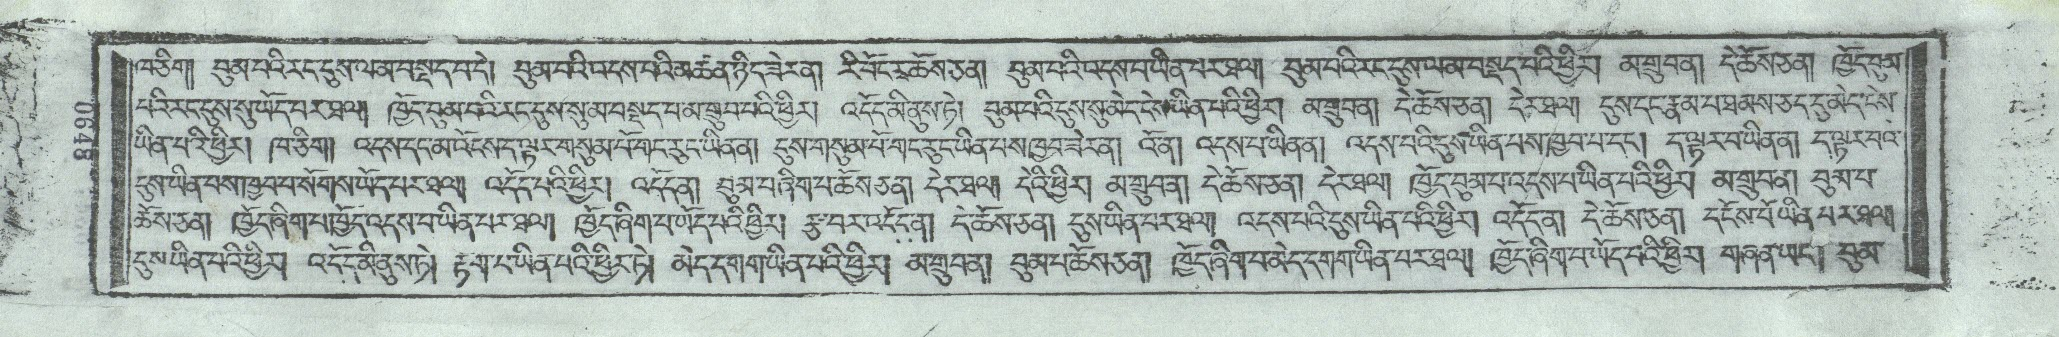ཁ་ཅིག། བུམ་པའི་རང་དུས་ལ་མ་བསྡད་པ་དེ། བུམ་པའི་འདས་པའི་མཚན་ཉིད་ཟེར་ན། རི་བོང་རྭ་ཆོས་ཅན། བུམ་པའི་འདས་པ་ཡིན་པར་ཐལ། བུམ་པའི་རང་དུས་ལ་མ་བསྡད་པའི་ཕྱིར། མ་གྲུབ་ན། དེ་ཆོས་ཅན། ཁྱོད་བུམ་
པའི་རང་དུས་སུ་ཡོད་པར་ཐལ། ཁྱོད་བུམ་པའི་རང་དུས་སུ་མ་བསྡད་པ་མ་གྲུབ་པའི་ཕྱིར། འདོད་མི་ནུས་ཏེ། བུམ་པའི་དུས་སུ་མེད་ངེས་ཡིན་པའི་ཕྱིར། མ་གྲུབ་ན། དེ་ཆོས་ཅན། དེར་ཐལ། དུས་དང་རྣམ་པ་ཐམས་ཅད་དུ་མེད་ངེས་
ཡིན་པའི་ཕྱིར། ཁ་ཅིག། འདས་དང་མ་འོངས་ད་ལྟར་གསུམ་པོ་གང་རུང་ཡིན་ན། དུས་གསུམ་པོ་གང་རུང་ཡིན་པས་ཁྱབ་ཟེར་ན། འོ་ན། འདས་པ་ཡིན་ན། འདས་པའི་དུས་ཡིན་པས་ཁྱབ་པ་དང་། ད་ལྟར་བ་ཡིན་ན། ད་ལྟར་བའི་
དུས་ཡིན་པས་ཁྱབ་པ་སོགས་ཡོད་པར་ཐལ། འདོད་པའི་ཕྱིར། འདོད་ན། བུམ་པ་ཞིག་པ་ཆོས་ཅན། དེར་ཐལ། དེའི་ཕྱིར། མ་གྲུབ་ན། དེ་ཆོས་ཅན། དེར་ཐལ། ཁྱོད་བུམ་པ་འདས་པ་ཡིན་པའི་ཕྱིར། མ་གྲུབ་ན། བུམ་པ་
ཆོས་ཅན། ཁྱོད་ཞིག་པ་ཁྱོད་འདས་པ་ཡིན་པར་ཐལ། ཁྱོད་ཞིག་པ་ཡོད་པའི་ཕྱིར། རྩ་བར་འདོད་ན། དེ་ཆོས་ཅན། དུས་ཡིན་པར་ཐལ། འདས་པའི་དུས་ཡིན་པའི་ཕྱིར། འདོད་ན། དེ་ཆོས་ཅན། དངོས་པོ་ཡིན་པར་ཐལ།
དུས་ཡིན་པའི་ཕྱིར། འདོད་མི་ནུས་ཏེ། རྟག་པ་ཡིན་པའི་ཕྱིར་ཏེ། མེད་དགག་ཡིན་པའི་ཕྱིར། མ་གྲུབ་ན། བུམ་པ་ཆོས་ཅན། ཁྱོད་ཞིག་པ་མེད་དགག་ཡིན་པར་ཐལ། ཁྱོད་ཞིག་བ་ཡོད་པའི་ཕྱིར། གཞན་ཡང་། བུམ་